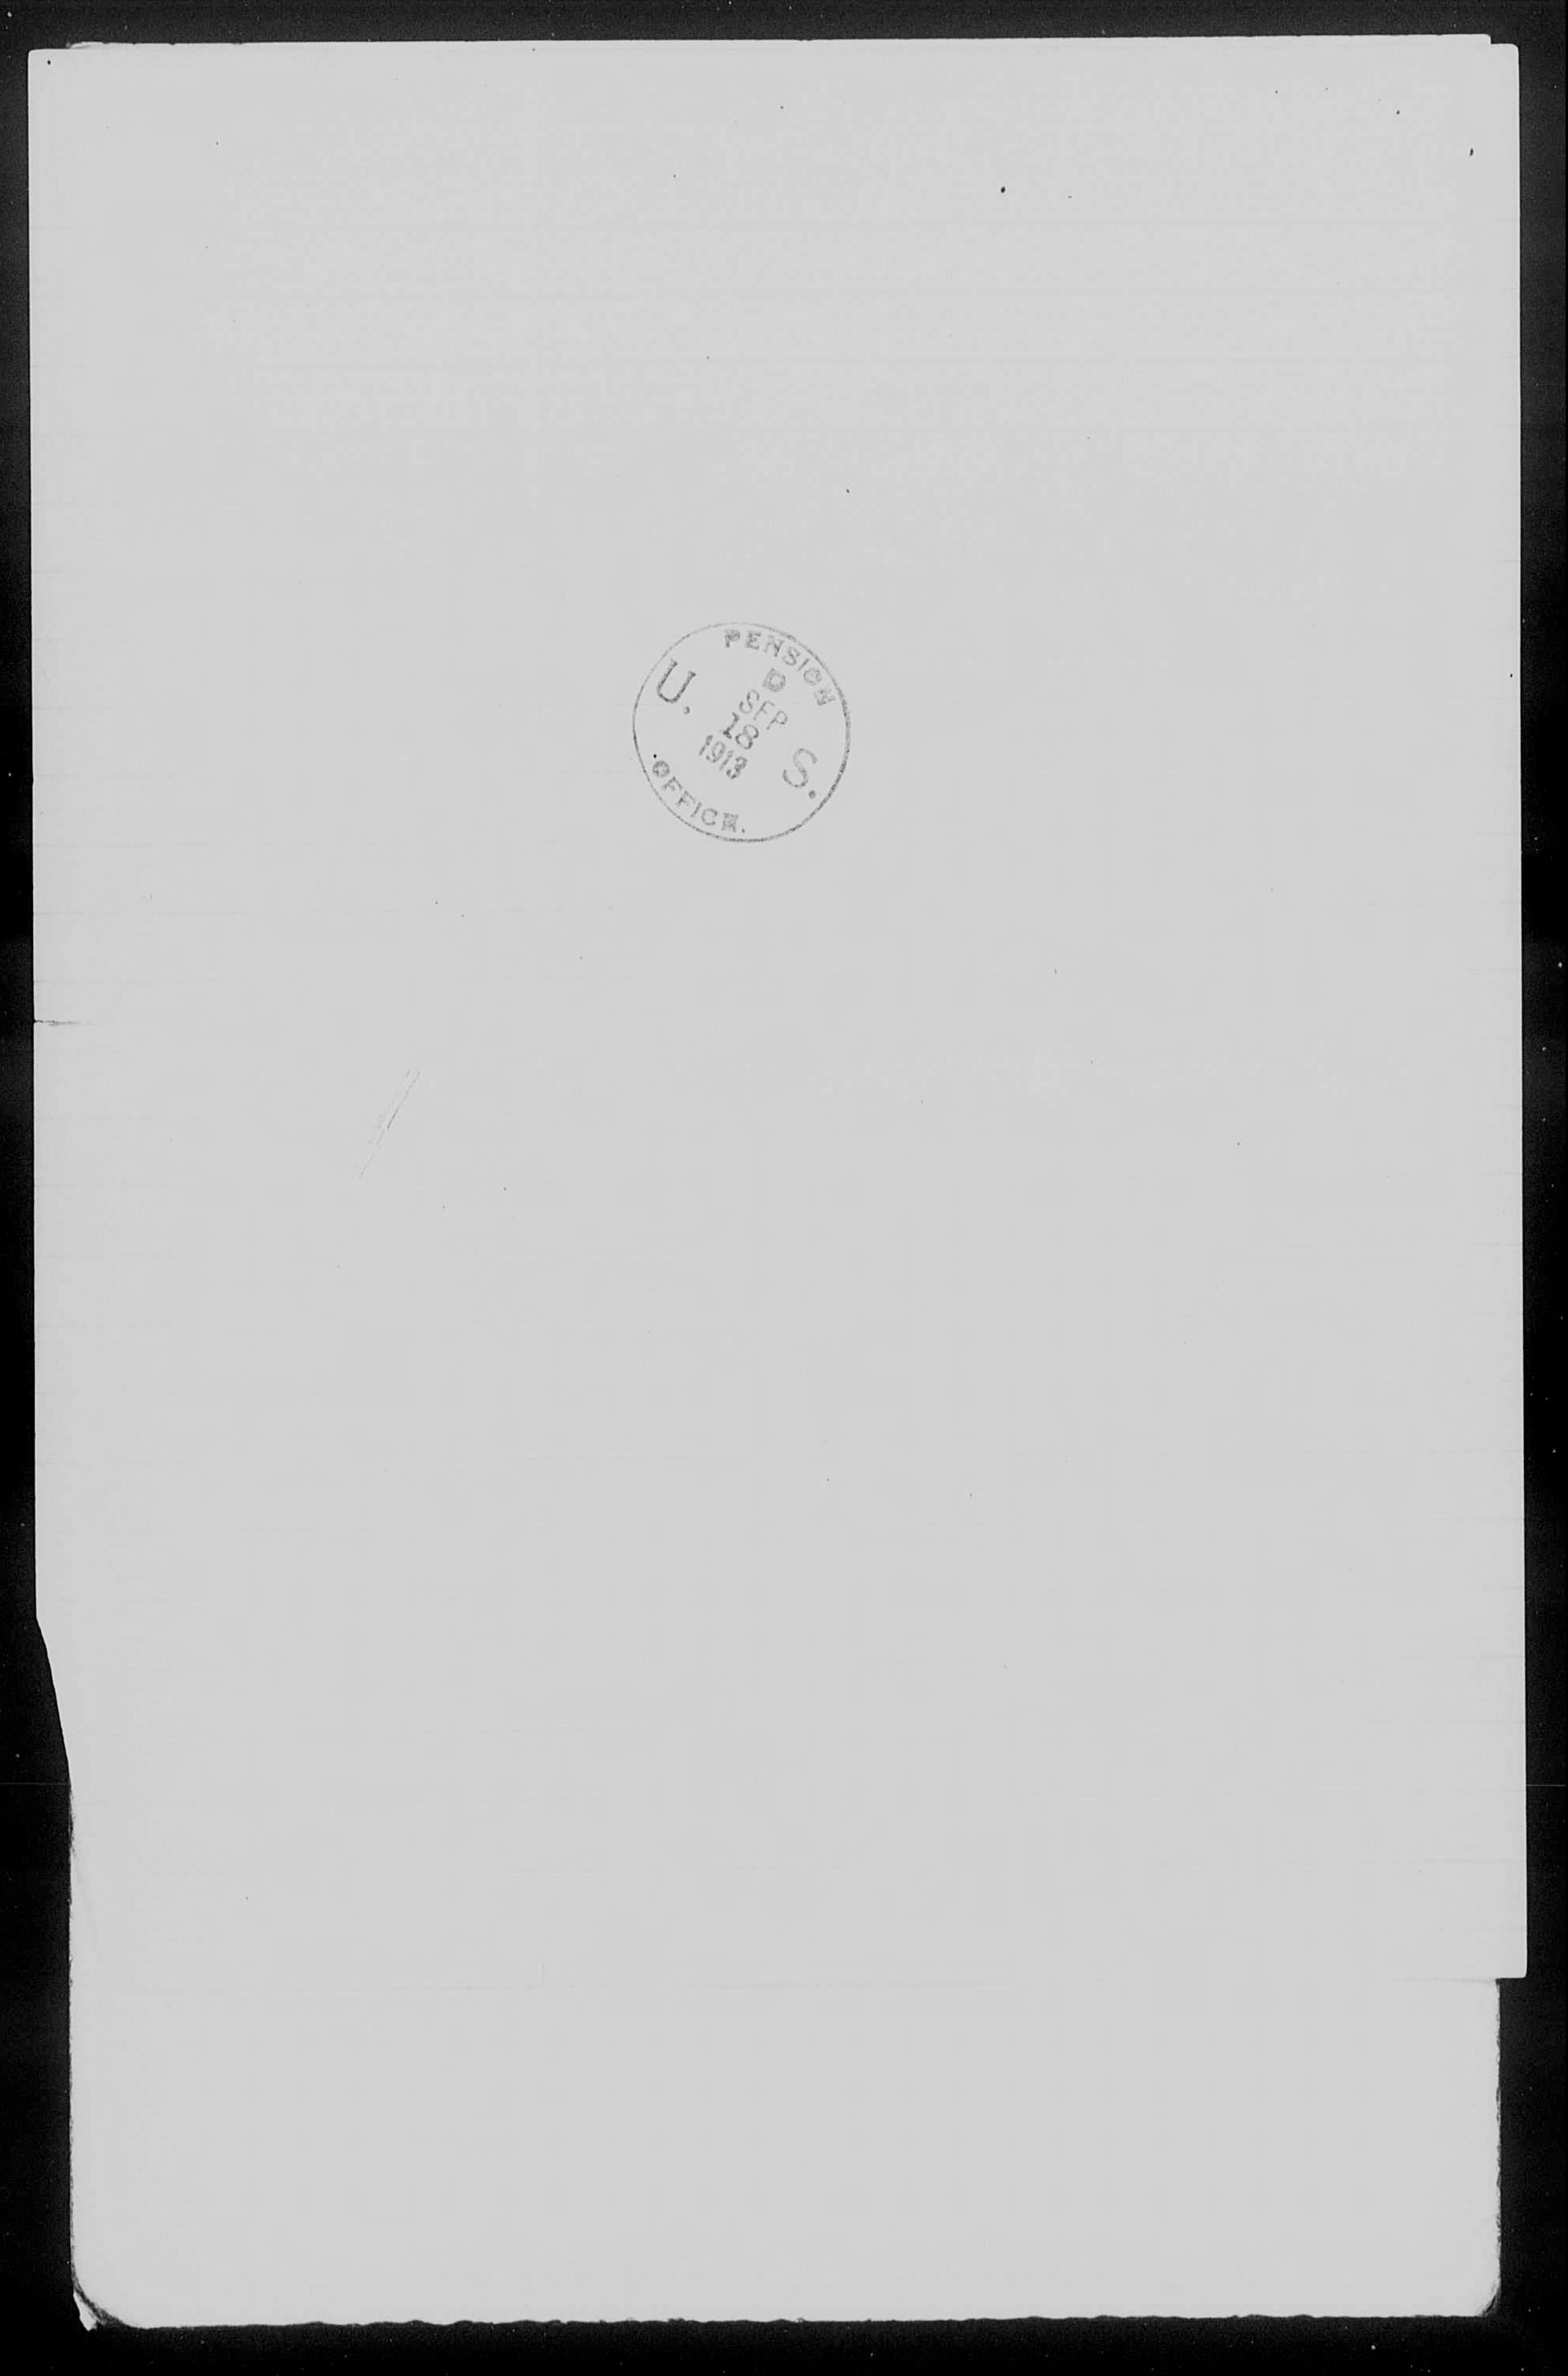( post mark ) [ U. S. PENSION OFFICE SEP 18 1913]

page: 12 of 23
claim: survivor's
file: S. 21068, John Bell, Ga. N. C. S. C.